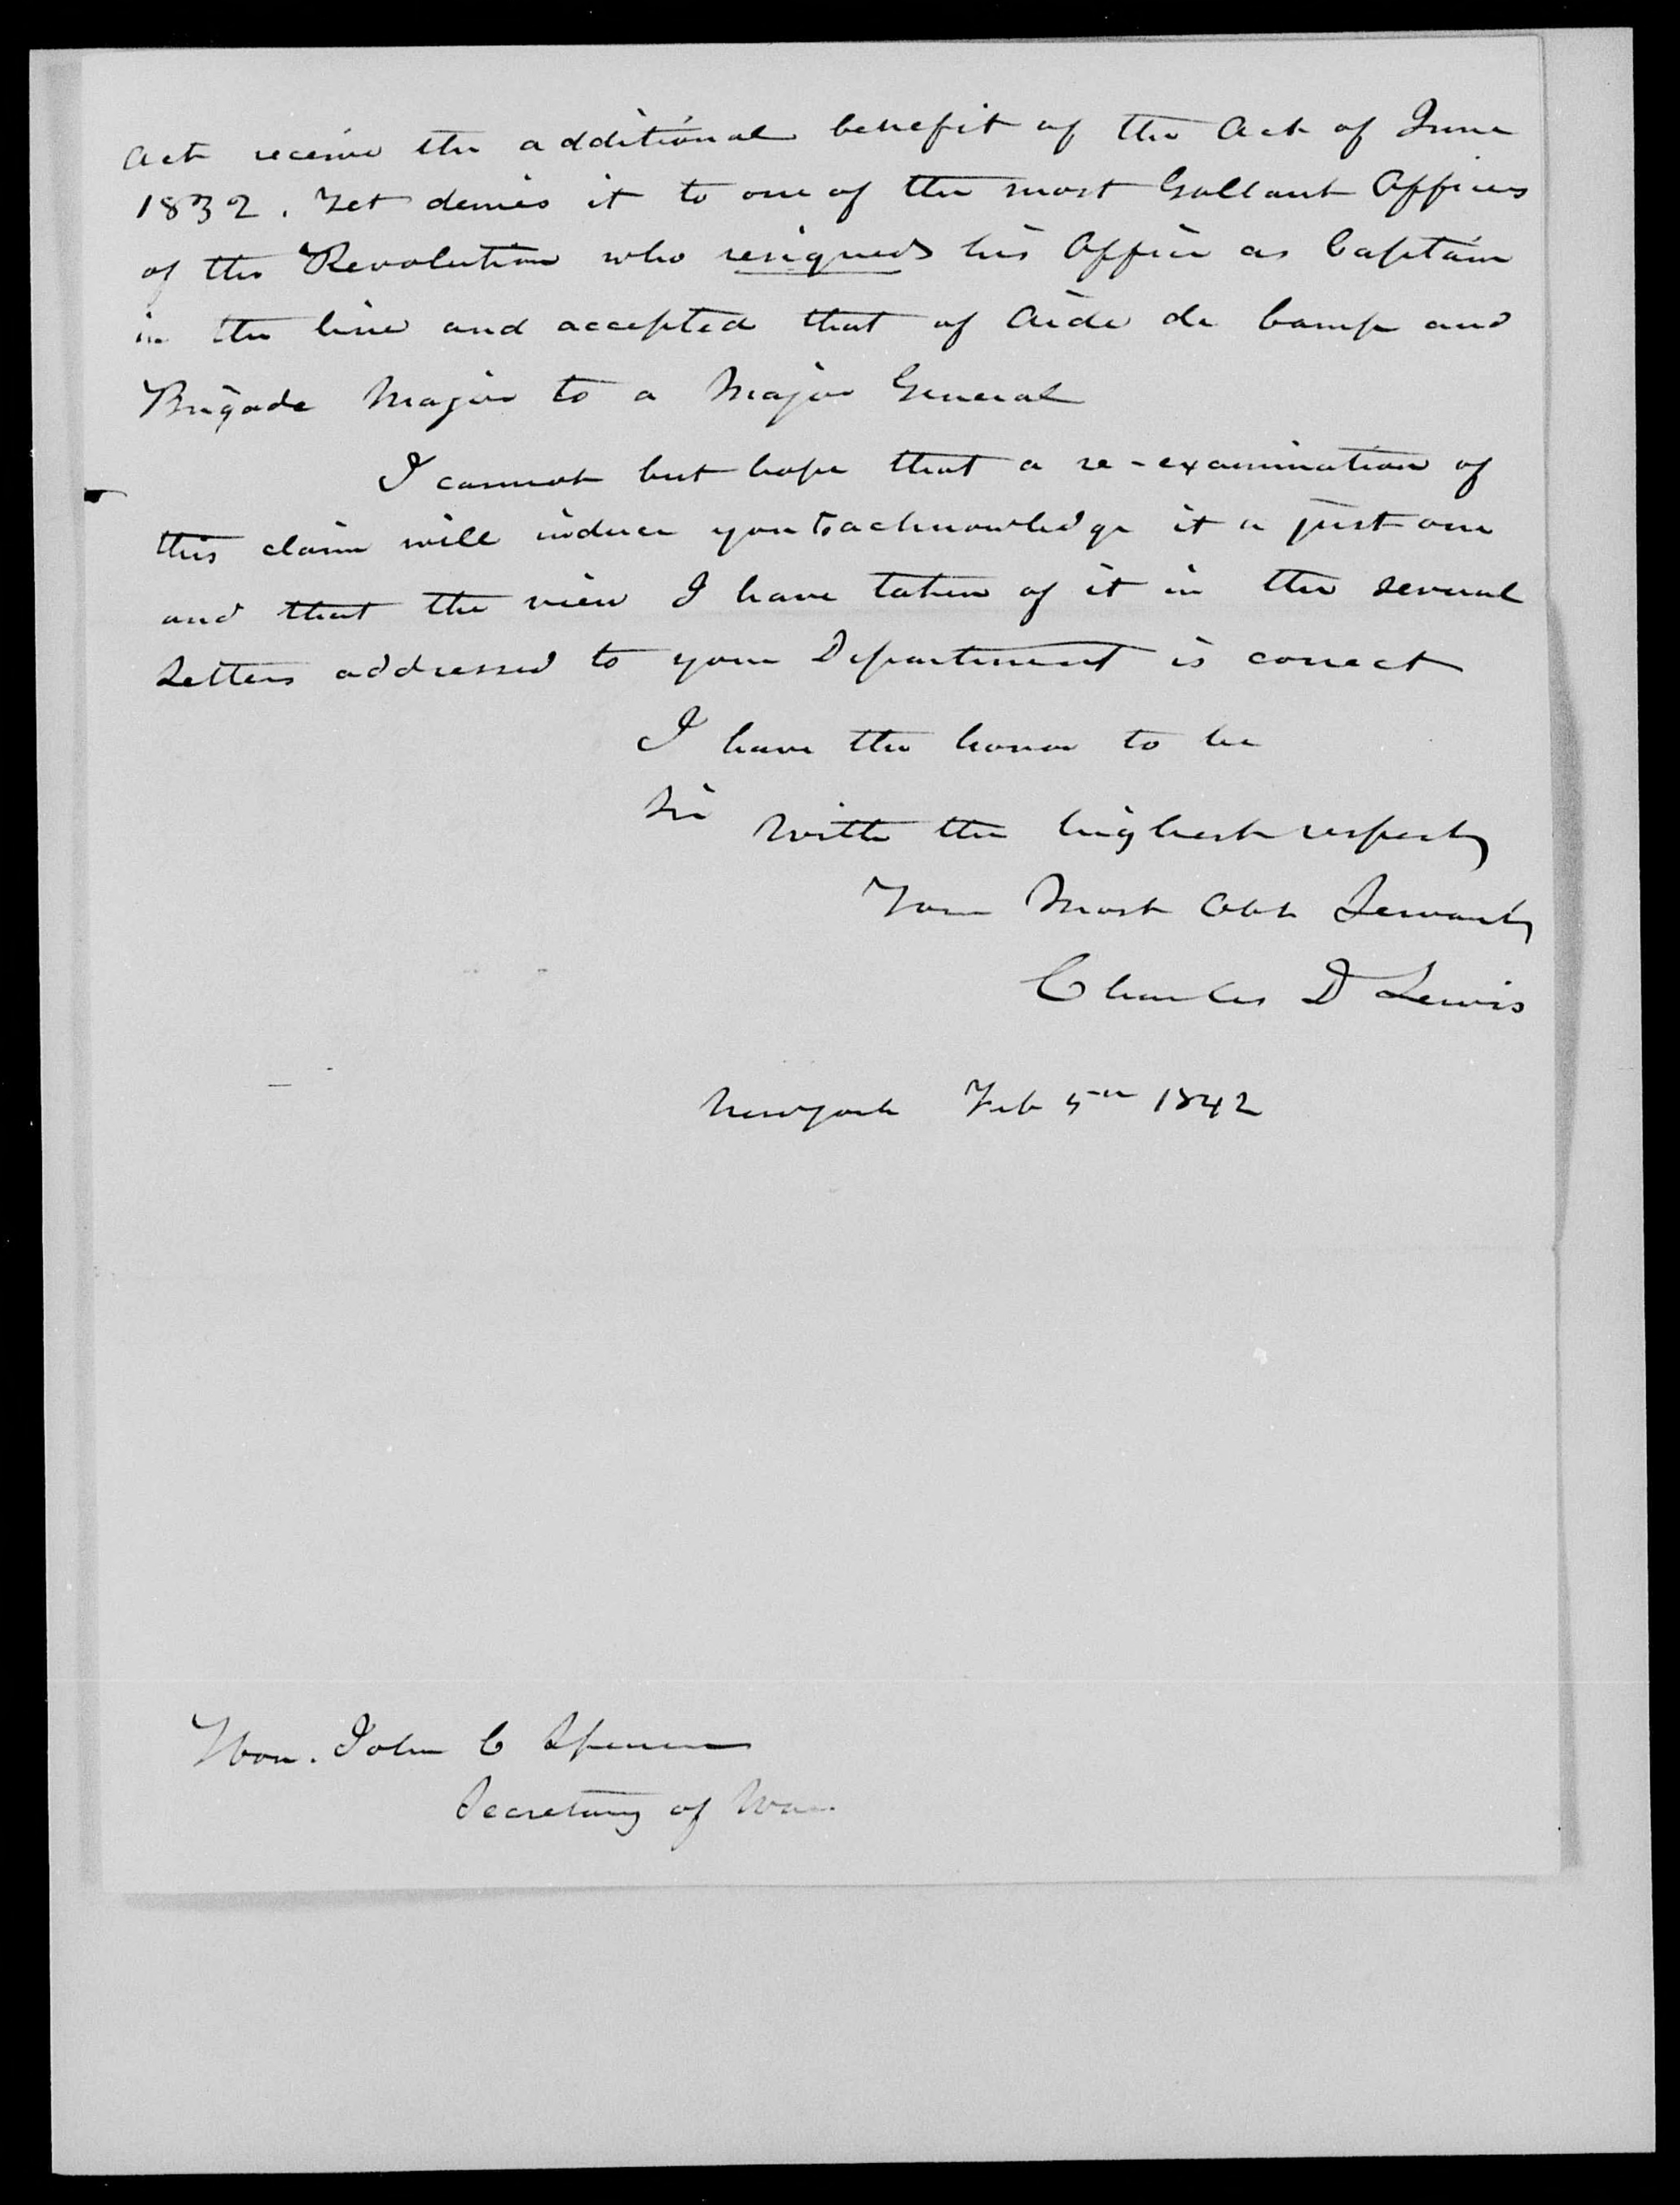Act receive the additional benefit of the Act of June 1832. Yet denies it to one of the most Gallant Officers of this Revolution who resigned his Office as Captain in the line and accepted that of Aide de Camp and Brigade Major to a Major General

I cannot but hope that a re-examination of this claim will induce you to acknowledge it a just one and that the view I have taken of it in the several Letters addressed to your Department is correct

I have the honor to be his with the highest report Your Most Obt Servant
Charles D Lewis
New York Feb 5th 1842

Hon. John C Spencer
Secretary of War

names: Charles D Lewis; John C Spencer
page: 26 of 75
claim: survivor's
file: S. 9989, for William Popham, Delaware